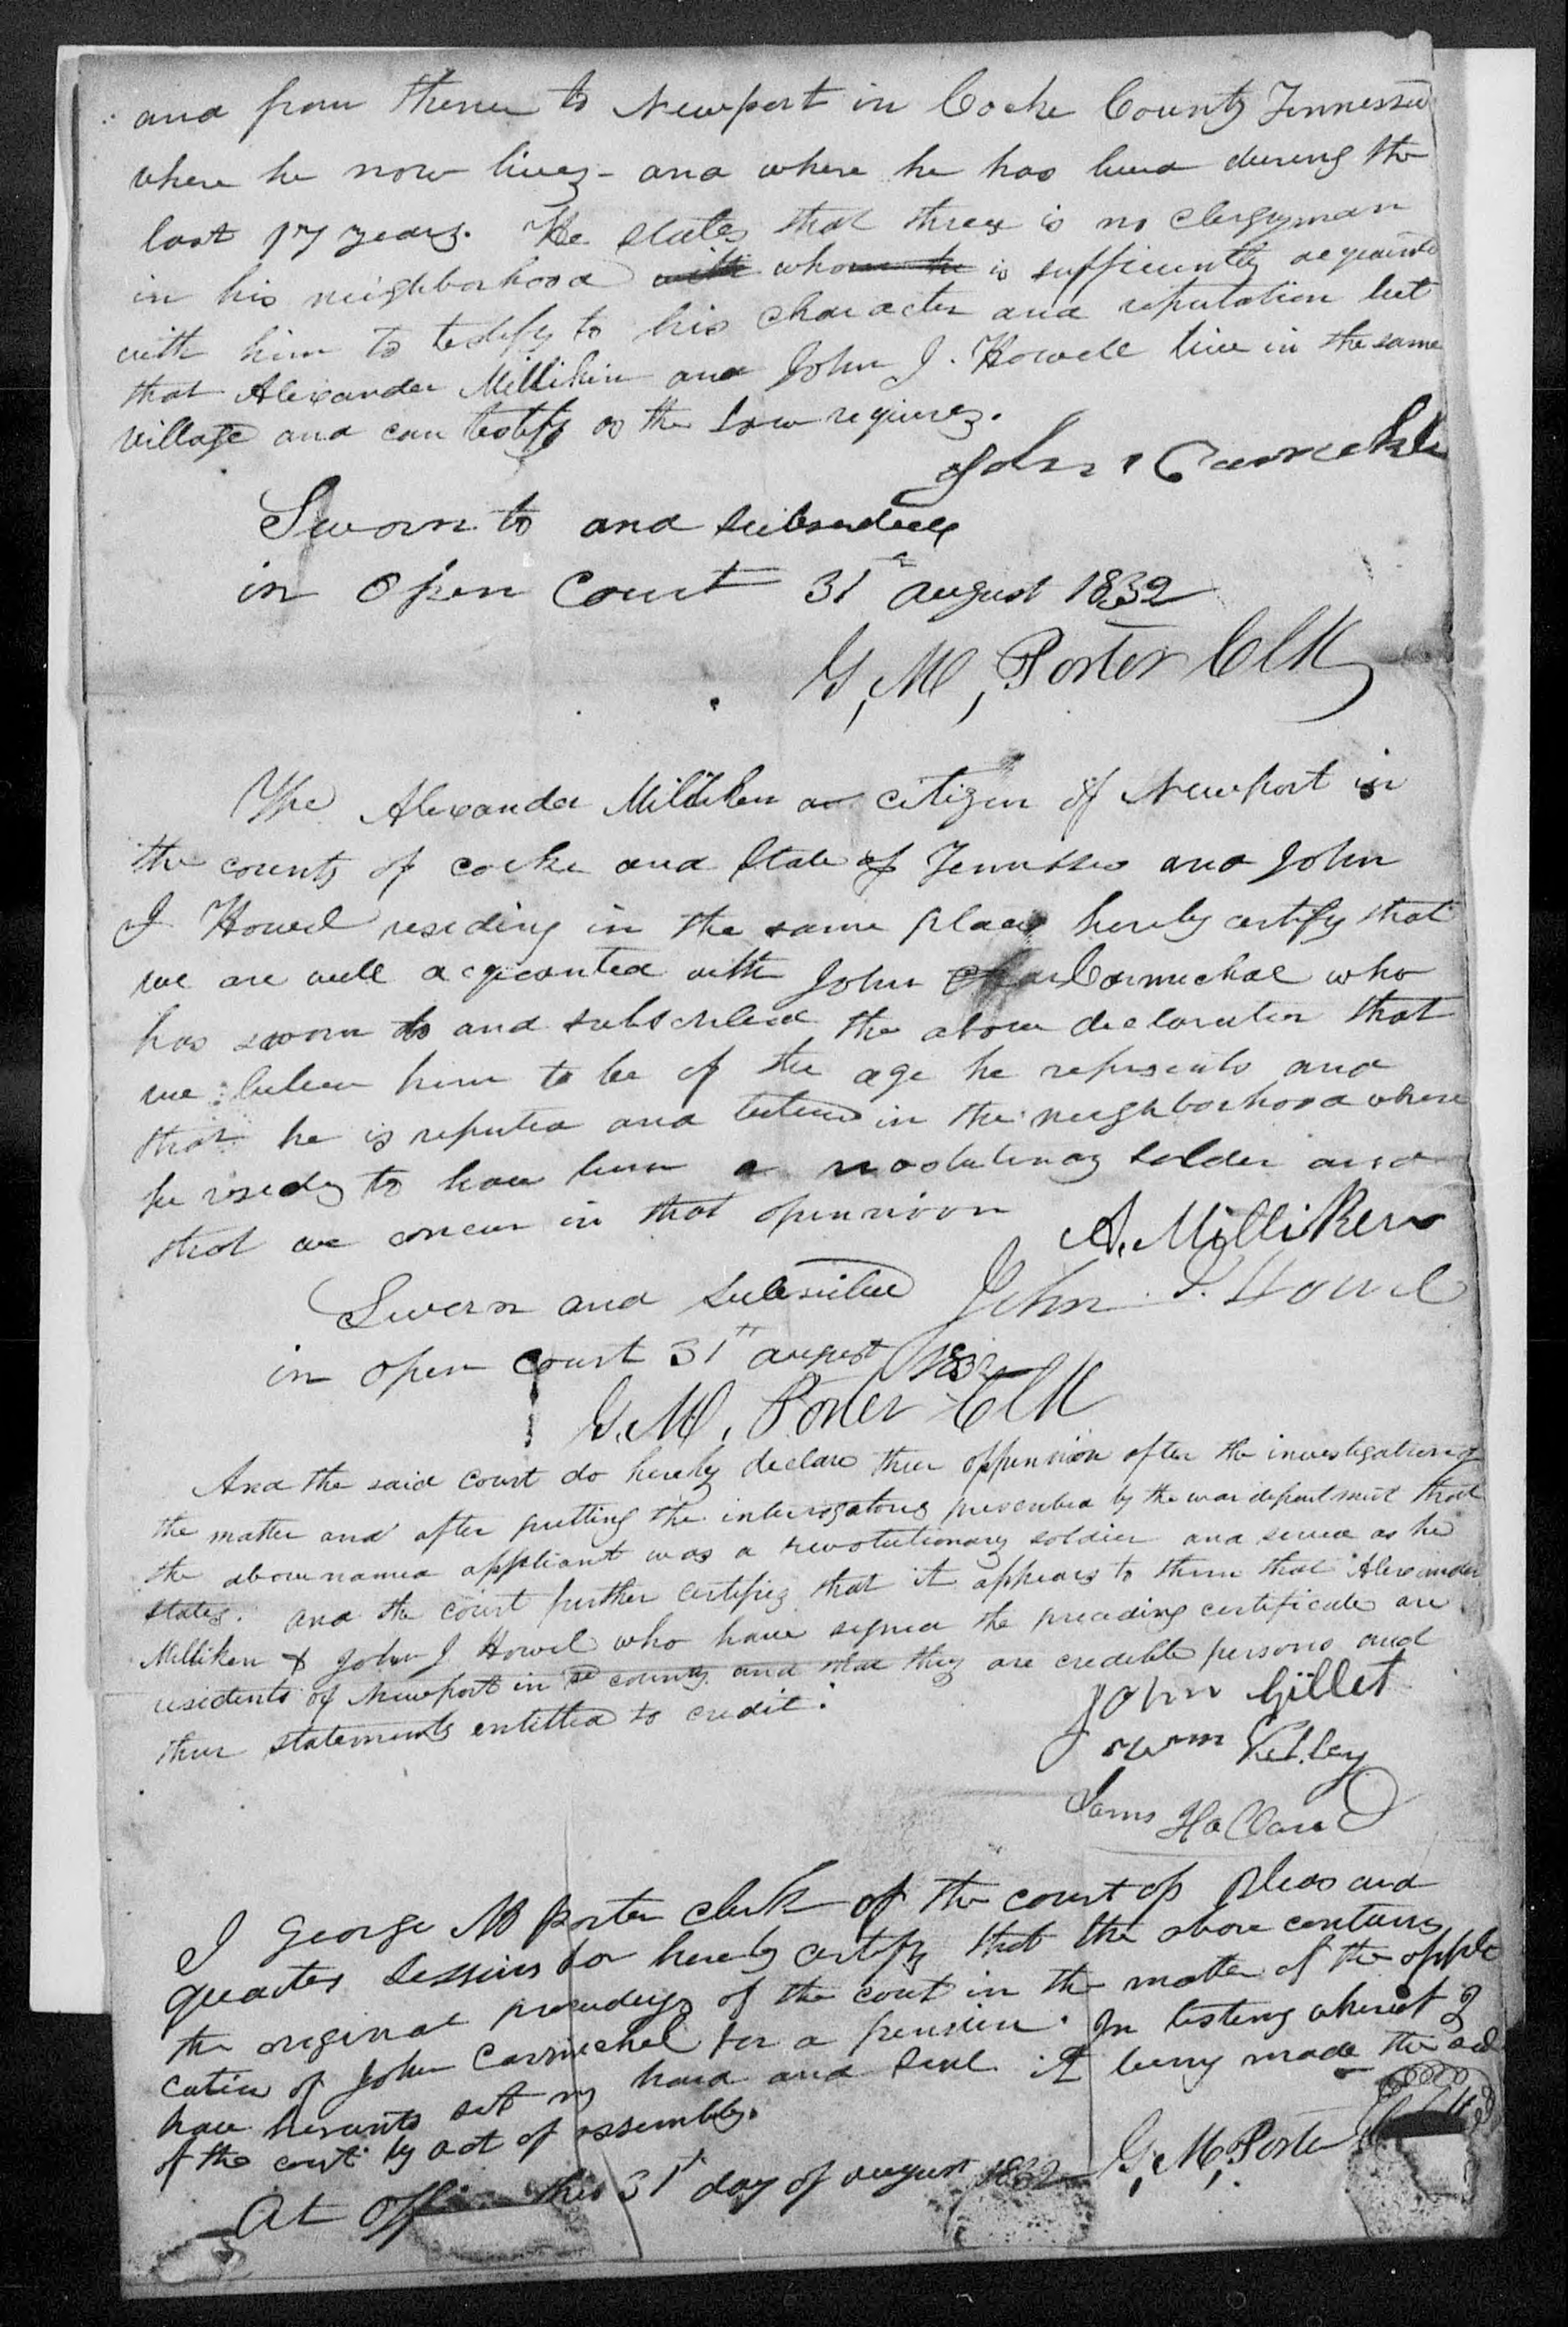and from there to Newport in Cocke County Tennessee where he now living - and where he has lived during the last 17 years. He states that there is no clergyman in his neighborhood [scribble] who [scribble] is sufficiently acquainted with him to testify to his character and reputation but that Alexander Milliken and John J. Howell live in the same village and can testify on the law required.
John Carmickele
Sworn to and [illegible]
in open court 31st August 1832
G.M. Porter Clerk
The Alexander Milliken a citizen of Newport in the county of Cocke and state of Tennessee and John J Howell residing in the same place hereby certify that we are well acquainted with John Carmickele who has sworn to and [illegible] the [illegible] [illegible] that we liken him be of the age he represents and that he is respected and [illegible] in the neighborhood where he resides to [illegible] [illegible] a [illegible] [illegible] and that we concur in that opinion.
A Milliken
John J Howell
Sworn and [illegible]
in open court 31st august 1832
G.M Porter Clerk
And the said court do herby declare their oppinion after the investigating the matter and after putting the [illegible] [illegible] by the war department There the [illegible] applicant was a [illegible] soldier and secure as he states. and the court herby certifies that it appears to them that Alexander Milliken and John J. Howell who have [illegible] the preceding certificate are residents of Newport in [illegible] county and that they are credible persons and their statements entitled to audit.
John Gillet
[illegible]
James Holland
I George M Porter Clerk of court of pleas and quarter sessions doe hereby certify that the above contains the original presiding of the court in the matter of the [illegible] [illegible] of John Carmickele for a pension. In listing about [illegible] [illegible] set my hand and pen. A [illegible] made [illegible] and of the court by act of assembly
At office this 31st day of august 1832
G.M Porter [scribble]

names: A Milliken, G M Porter, Wm Kelley, G M Porter, Jams Holland, John J Howell, Alexander Milliken, Alexander Milliken, G M Porter, Alexander Millikin, John J Howel, John J Howel, George M Porter, John Carmichel, John Gillet, John Carmichal, John Carmikle, John J Howel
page: 6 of 42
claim: survivor's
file: S. 31,595, John Carmickele, Penn.